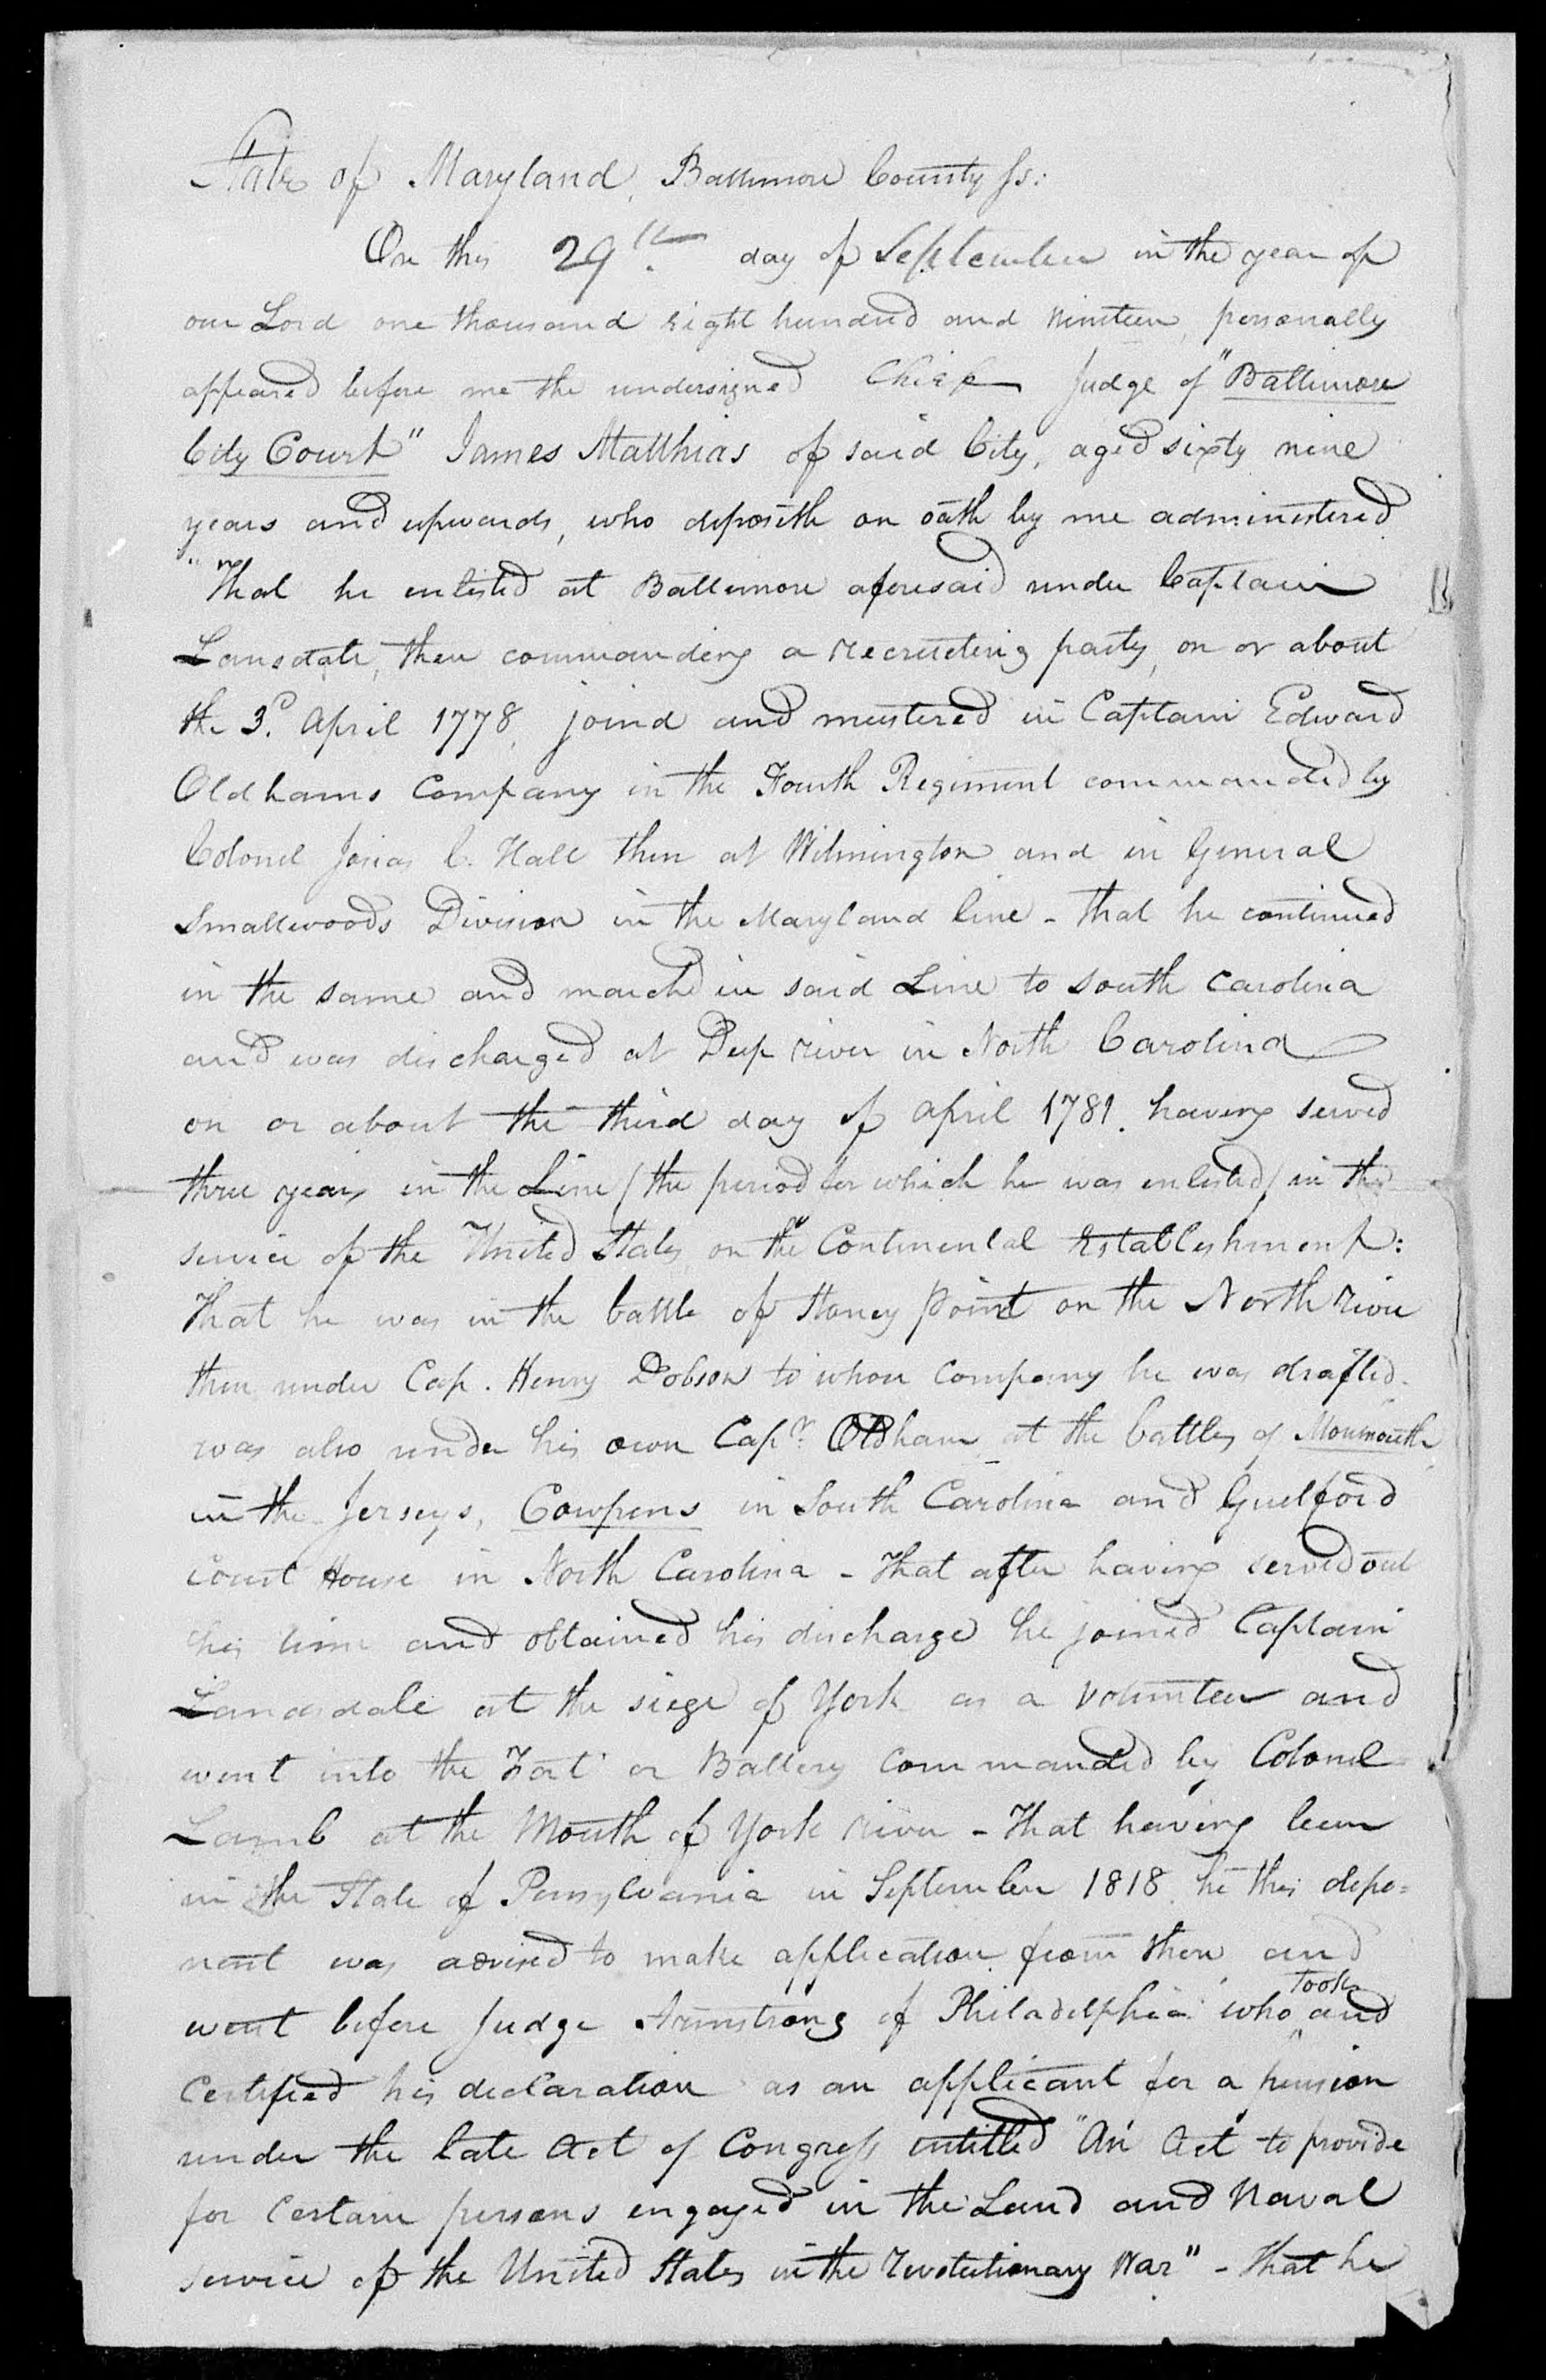State of Maryland Baltimore County ss:
On this 29th day of September in the year of our Lord one thousand Eight hundred and nineteen, personally appeared before me the undersigned Chief Judge of "Baltimore City Court", James Matthias of said City, aged sixty nine years and upwards, who deposith on oath by me administered
That he enlisted at Baltimore aforesaid under Captain Lanslate, then commanding a recruiting party on or about the 3d April 1778 joined and mustered in Captain Edward Oldhams Company in the Fourth Regiment commanded by Colonel Josias C. Hall then at Wilmington and in General
Smallwoods Division in the Maryland line, that he continued in the same and marched in said line to South Carolina and was discharged at Deep river in North Carolina on or about the third day of April 1781 having served three years in the Line (the period for which he was enlisted) in the
service of the United States on the Continental establishment: That he was in the battle of Stoney Point on the North river then under Cap. Henry Dobson to whose company he was drafted
was also under his own Capt Oldham at the battle of Monmouth in the Jerseys, Cowpens in South Carolina and Guilford Court House in North Carolina - That after having served out his time and obtained his discharge he joined Captain Lauderdale at the siege of York as a volunteer and
went into the Fort or Battery commanded by Colonel Lamb at the mouth of York river. That having been in the State of Pennsylvania in September 1818. he this deponent was advised to make application from then and went before Judge Armstrong of Philadelphia who took and
certified his declaration as an applicant for a pension under the late act of Congress entitled "An act to provide for certain persons engaged in the Land and Naval service of the United States in the Revolutionary War"" That he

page: 16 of 20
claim: survivor's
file: S. 40,119, for James Mathias, Maryland